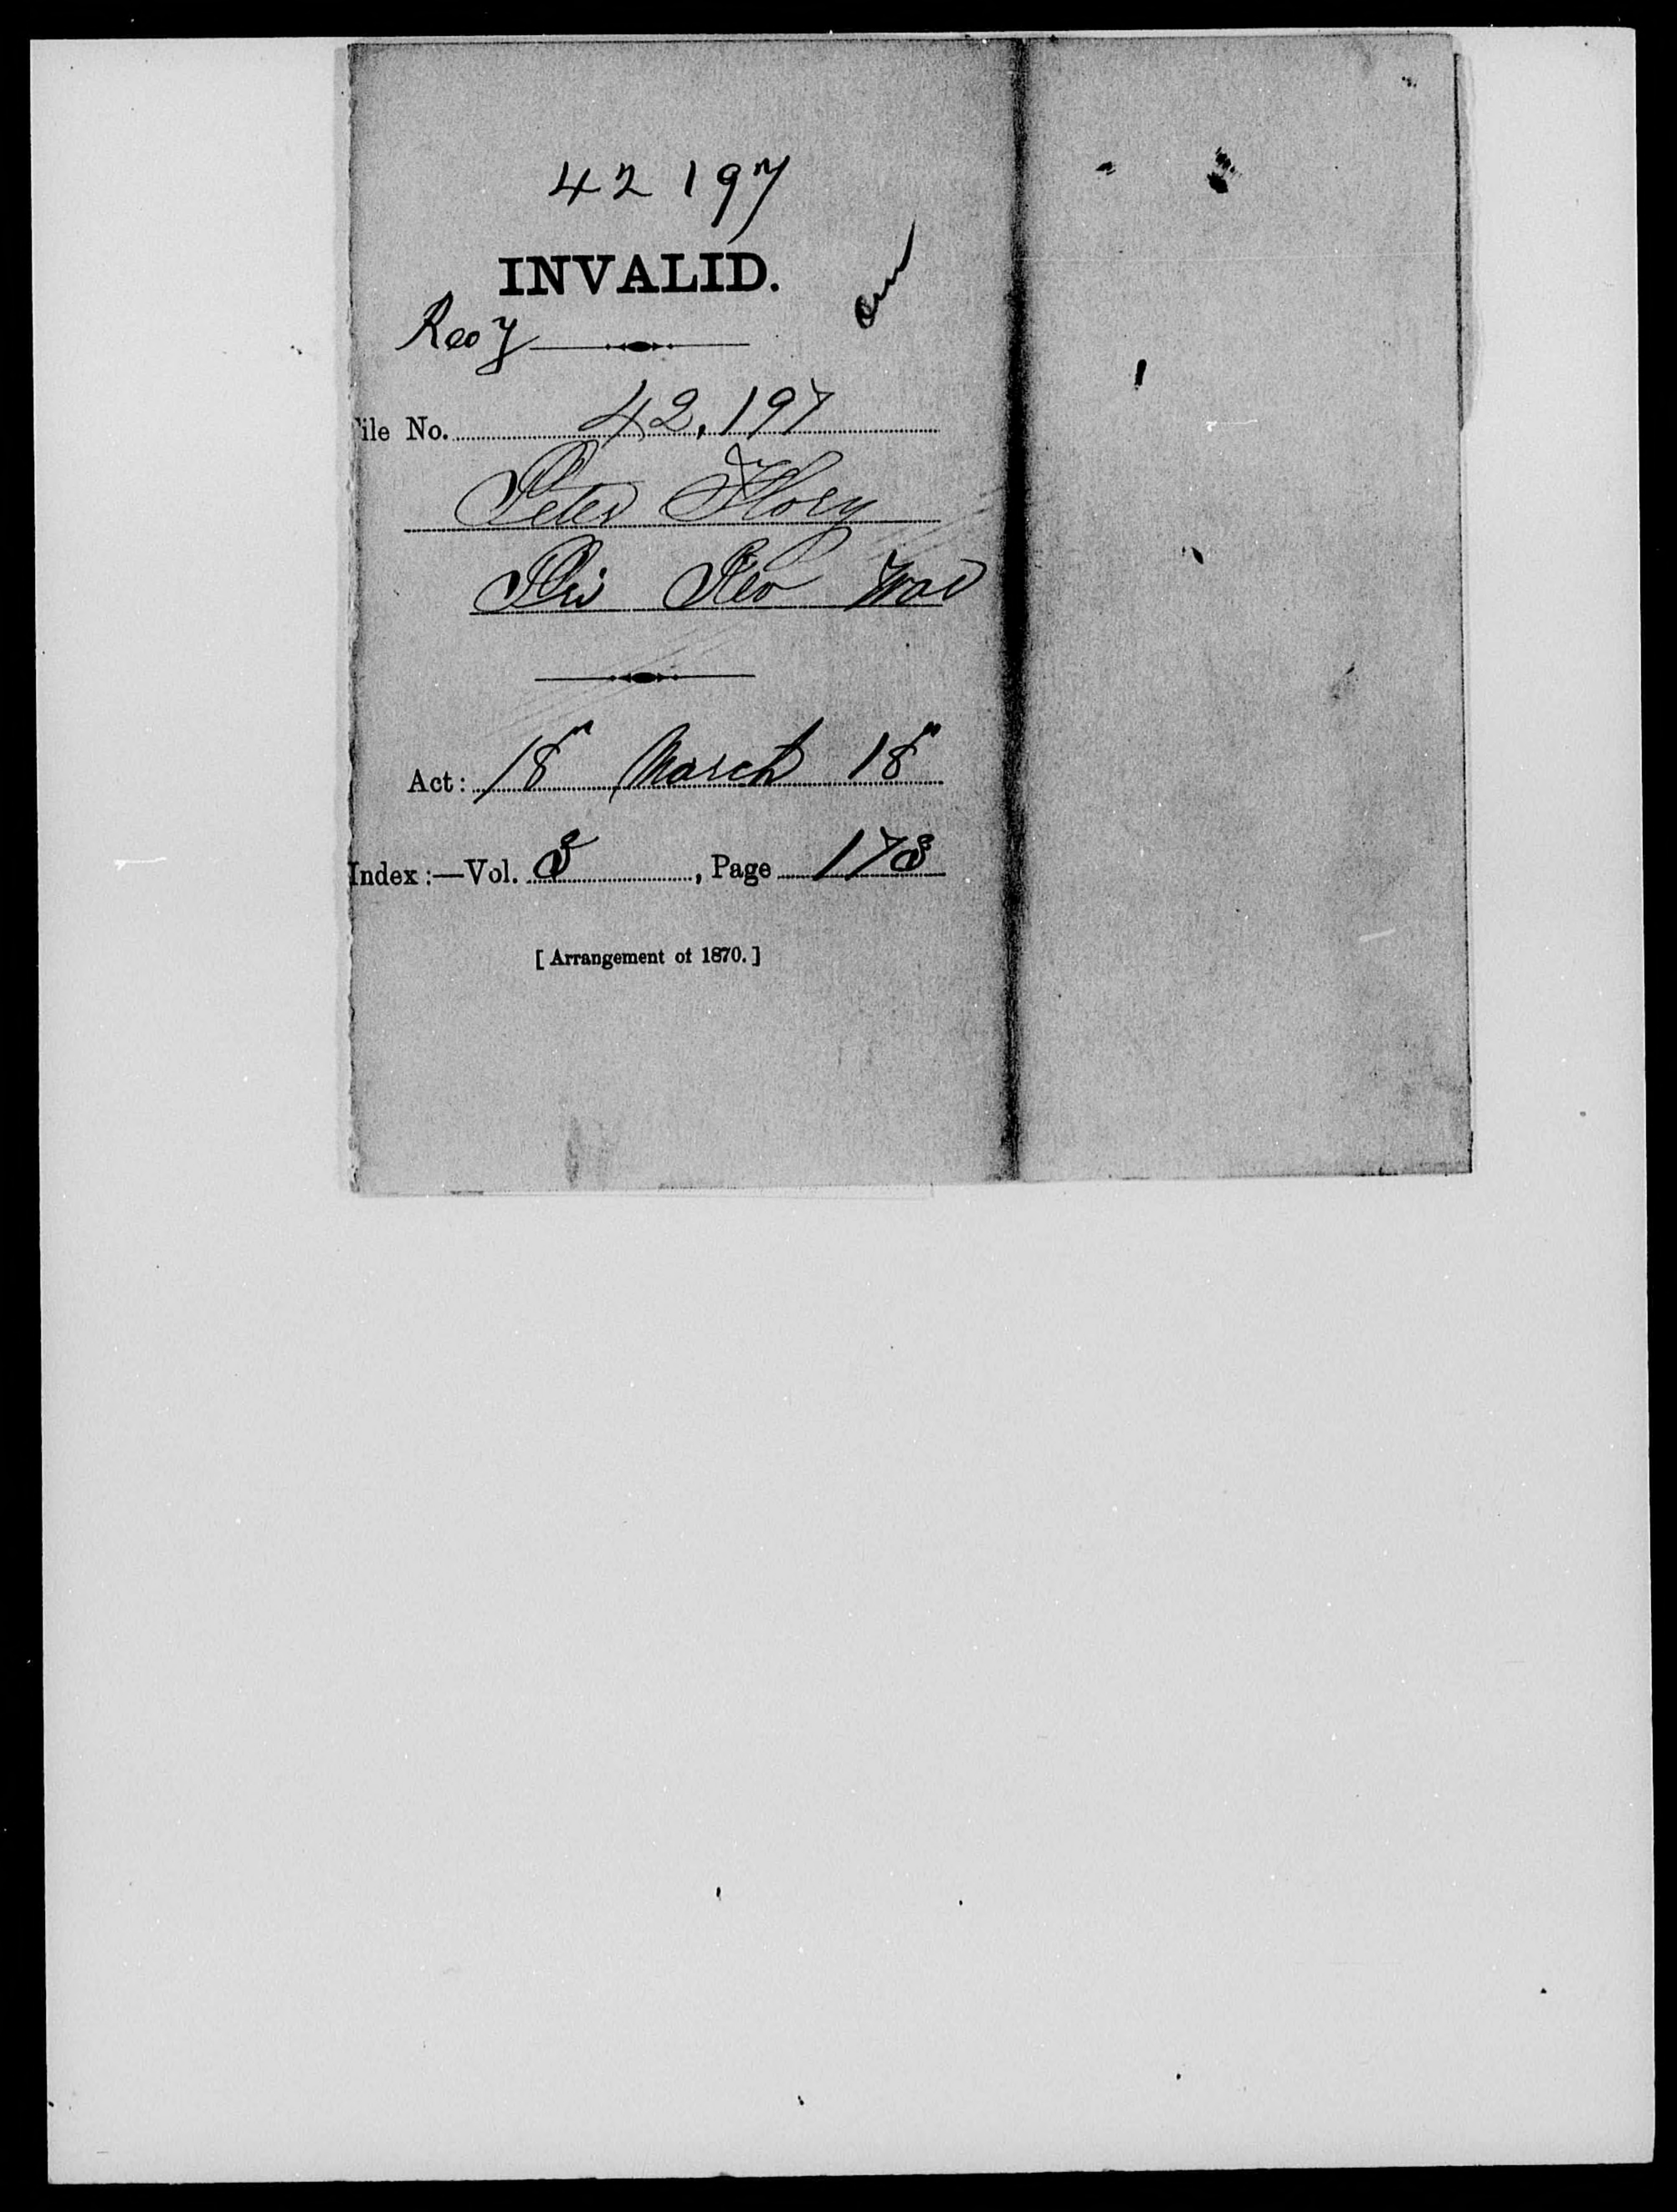42 197
INVALID.
Revy  -     OW
File No. 42,197
Peter Flory
Pri Rev War
-
Act: 18 March 18
Index: Vol. 3, Page 173
[Arrangement of 1870.]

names: Peter Flory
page: 11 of 11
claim: survivor's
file: S. 42,197, Peter Flory, Penn.